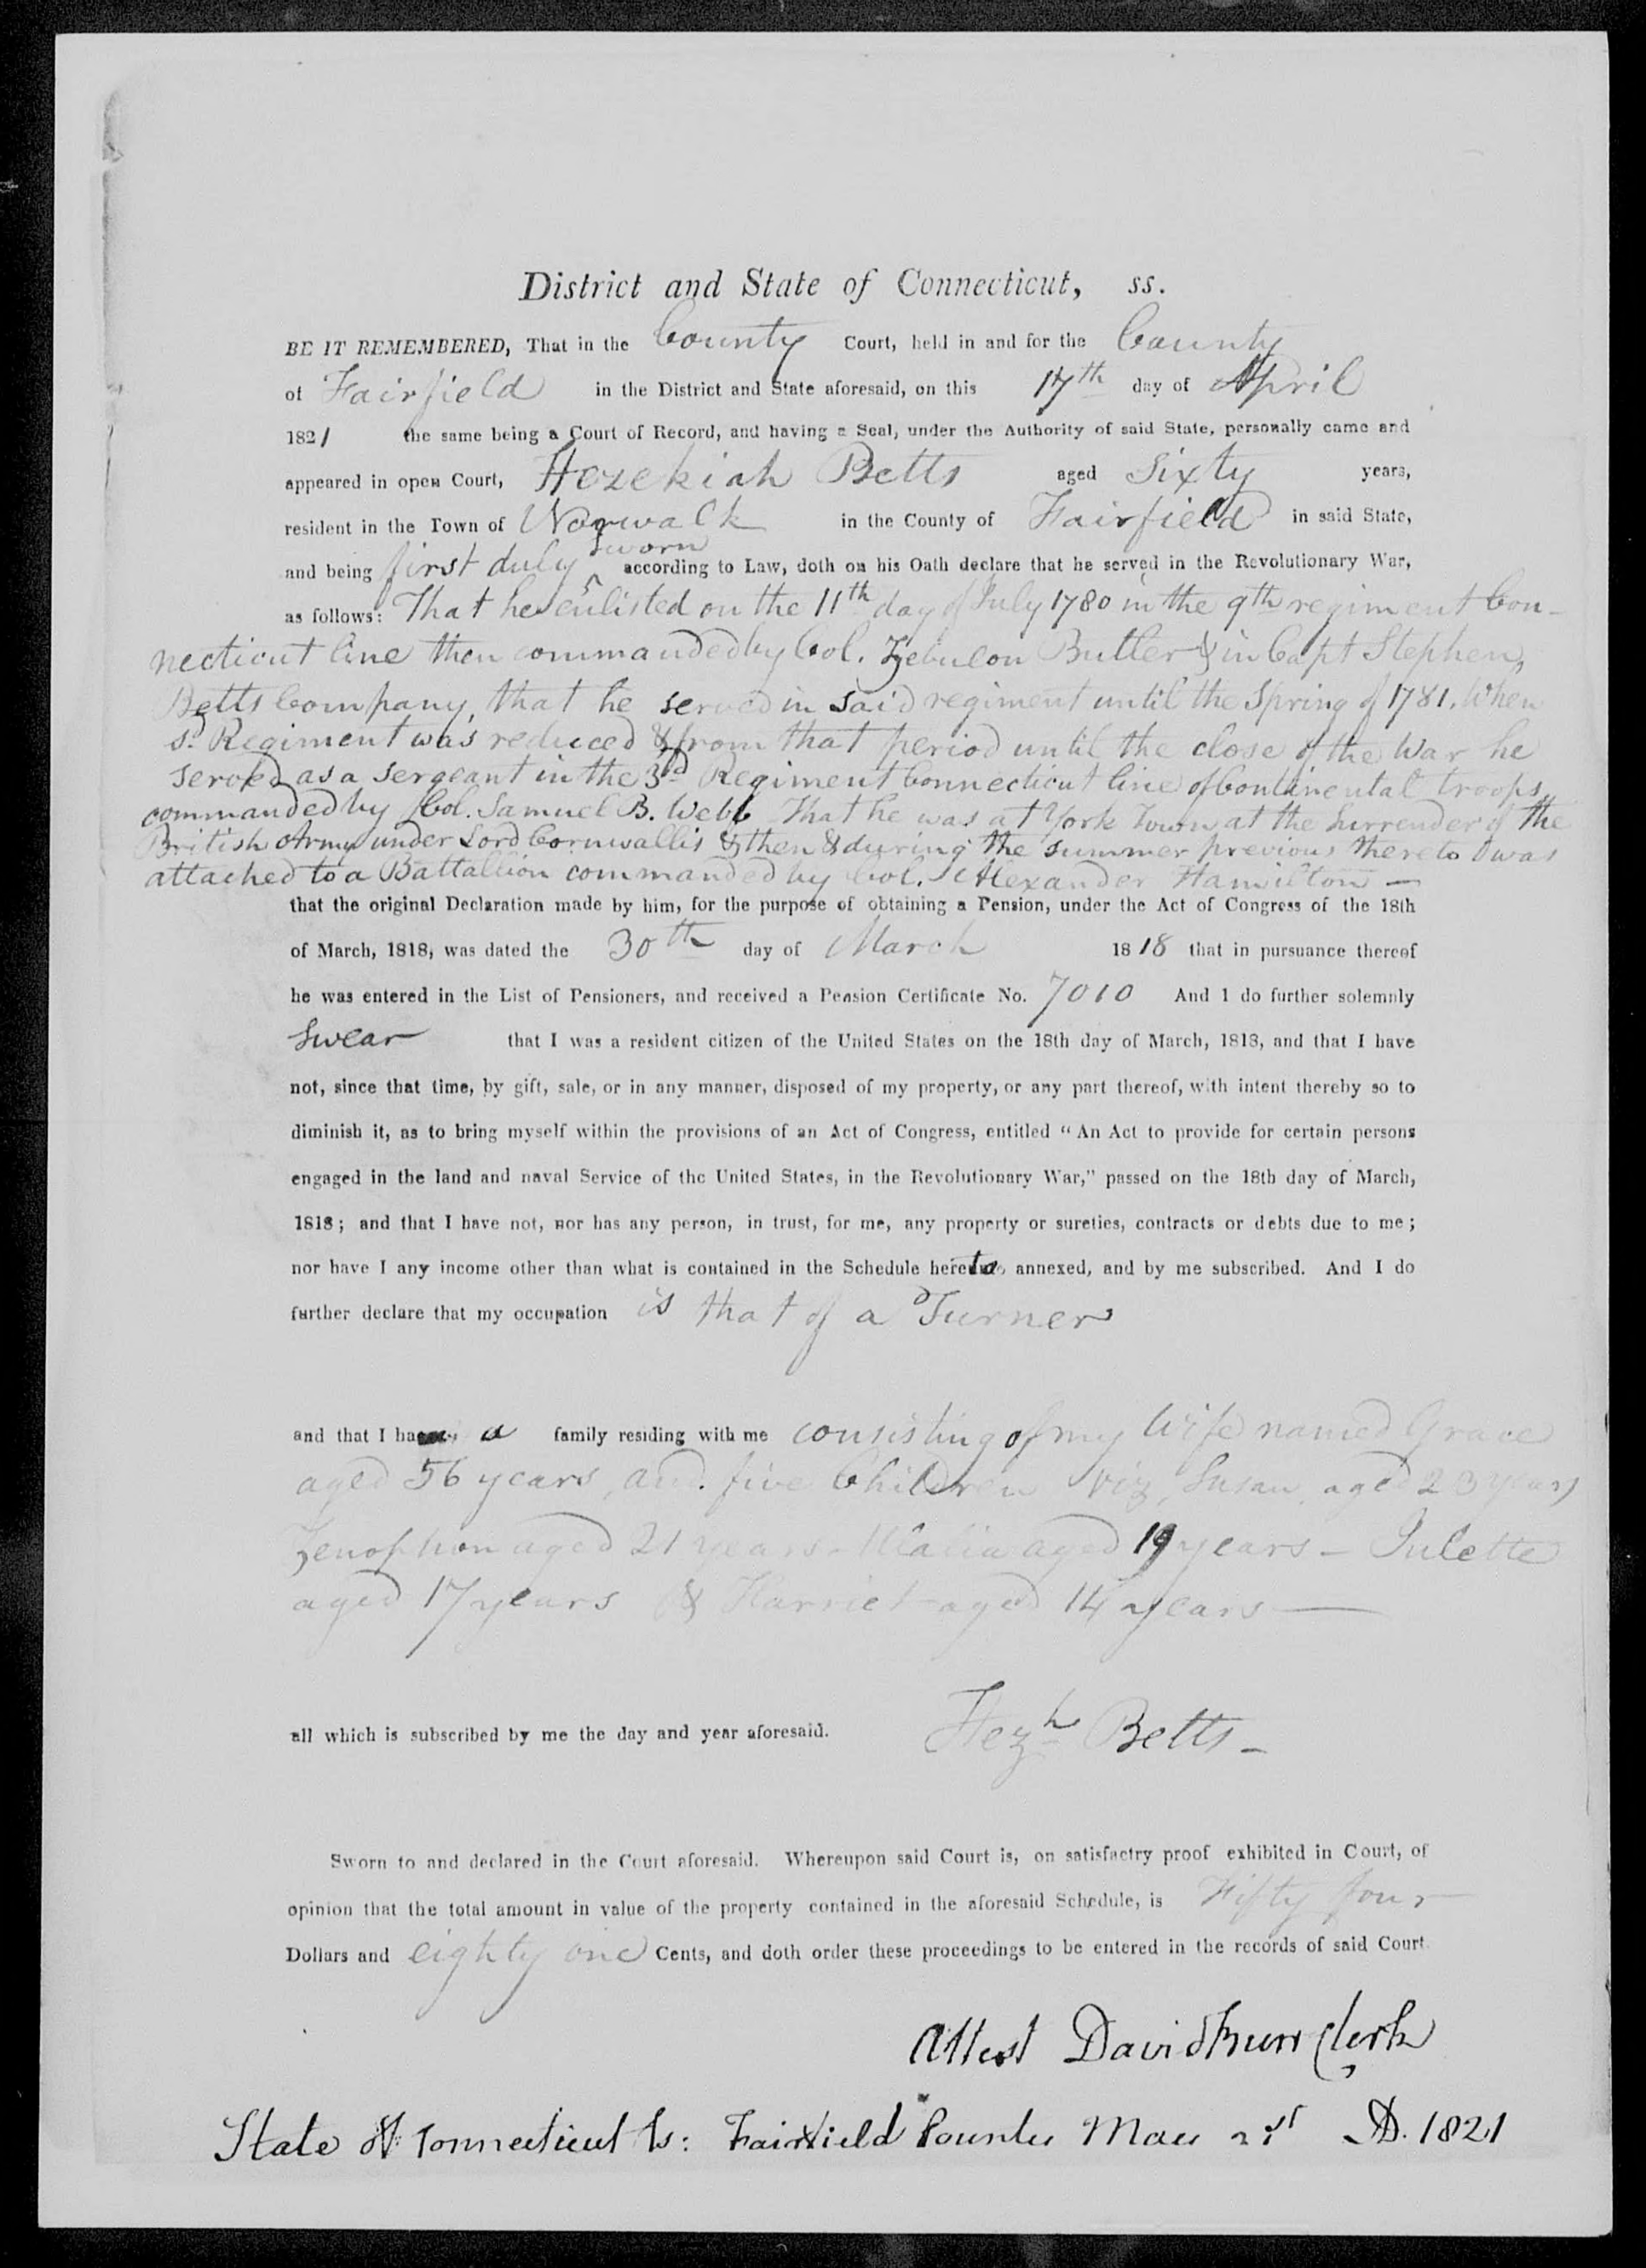District and State of Connecticut, Ss.

Be it Remembered, That in the County Court, held in and for the County of Fairfield in the District and State aforesaid, on this 17th day of April 1821, the same being a Court of Record, and having a Seal, under the Authority of said Stat, personally came and appeared in open Court, Hezekiah Betts aged Sixty years, resident of the Town of Norwalk in the County of Fairfield in said State, and being first duly sworn according to law, doth on his Oath declare that he served in the Revolutionary War as follows: That he enlisted on the 11th day of July 1780 in the 9th regiment of Connecticut line then commanded by Zebulon Butler, & in Capt. Stephen Betts Company, that he served in said regiment until the Spring of 1781, when said Regiment was reduced & from that period until the close of the War he served as a sergeant in the 3rd Regiment Connecticut line of Continental troops commanded by Col. Samuel B. Webb. That he was at York Town at the surrender of the British Army under Lord Cornwallis & Then & during the summer previous thereto was attached to a Battallion commanded by Col. Alexander Hamilton. 
that the original Declaration made by him, for the purpose of obtaining a Pension, under the Act of Congress of the 18th of March, 1818 was dated the 30th day of March 1818 that in pursuance thereof he was entered in the List of Pensioners, and received a Pension Certificate No. 7010 And I do further solemnly, swear that I was a resident citizen of the United Stats on the 18th day of March, 1813, and that I have not, since that time, by gift, sale, or in any manner, disposed of my property, or any part thereof, with intent thereby so to diminish it, as to bring myself within the provisions of an Act of Congress, entitled "An Act to provide for certain persons engaged in the land and naval Service of the United States, in the Revolutionary War," passed on the 18th day of March, 1818; and that I have not, nor has any person, in trust, for me, any property or sureties, contracts or debts due to me; nor have I any income other than what is contained in the Schedule hereto annexed, and by me subscribed. And I do further declare that my occupation is that of a  Turner and that I had family residing with me consisting of my Wife named Grace aged 56 years and five children Viz. Sulan aged 23 years, Zenophon aged 21 years, Calia aged 19 years, Juliette aged 17 years & Harriet aged 14 years all which  is subscribed by me the day and year aforesaid.  
Hezh Betts.

Sworn to and declared in the Court aforesaid. Whereupon said Court is, on satisfactory proof exhibited in Court, of option that the total amount in value of the property contained in the aforesaid Schedule, is Fifty Four Dollars and Eighty One Cents, and doth order these proceedings to be entered in the records of said Court. Attest David Burr, Clerk

State of Connecticut S.s. Fairfield Pounter May 27th A.D. 1821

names: David Burr, Samuel B Webb, Hezekiah Betts, Hezh Betts, Zebulon Butler, Alexander Hamilton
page: 5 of 61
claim: widow's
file: W. 29,929, Hezekiah Betts, Conn.